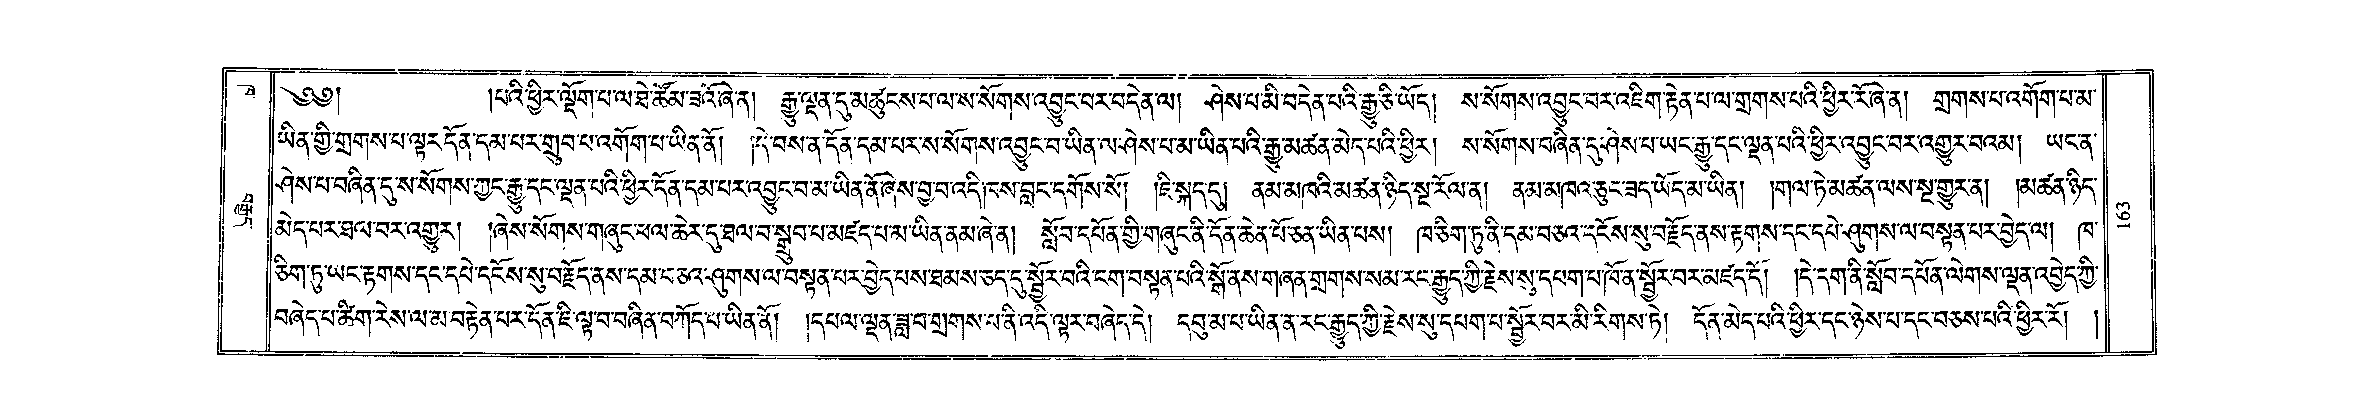༄༅། །པའི་ཕྱིར་ལྡོག་པ་ལ་ཐེ་ཚོམ་ཟའོ་ཞེ་ན། རྒྱུ་ལྡན་དུ་མཚུངས་པ་ལ་ས་སོགས་འབྱུང་བར་བདེན་ལ། ཤེས་པ་མི་བདེན་པའི་རྒྱུ་ཅི་ཡོད། ས་སོགས་འབྱུང་བ་འཇིག་རྟེན་པ་ལ་གྲགས་པའི་ཕྱིར་རོ་ཞེ་ན། གྲགས་པ་འགོག་པ་མ་
ཡིན་གྱི་གྲགས་པ་ལྟར་དོན་དམ་པར་གྲུབ་པ་འགོག་པ་ཡིན་ནོ། །དེ་བས་ན་དོན་དམ་པར་ས་སོགས་འབྱུང་བ་ཡིན་ལ་ཤེས་པ་མ་ཡིན་པའི་རྒྱུ་མཚན་མེད་པའི་ཕྱིར། ས་སོགས་བཞིན་དུ་ཤེས་པ་ཡང་རྒྱུ་དང་ལྡན་པའི་ཕྱིར་འབྱུང་བར་འགྱུར་བའམ། ཡང་ན་
ཤེས་པ་བཞིན་དུ་ས་སོགས་ཀྱང་རྒྱུ་དང་ལྡན་པའི་ཕྱིར་དོན་དམ་པར་འབྱུང་བ་མ་ཡིན་ནོ་ཞེས་བྱ་བ་འདི་ཁས་བླང་དགོས་སོ། །ཇི་སྐད་དུ། ནམ་མཁའི་མཚན་ཉིད་སྔ་རོལ་ན། ནམ་མཁའ་ཅུང་ཟད་ཡོད་མ་ཡིན། །གལ་ཏེ་མཚན་ལས་སྔ་གྱུར་ན། །མཚན་ཉིད་
མེད་པར་ཐལ་བར་འགྱུར། །ཞེས་སོགས་གཞུང་ཕལ་ཆེར་དུ་ཐལ་བ་སྒྲུབ་པ་མཛད་པ་མ་ཡིན་ནམ་ཞེ་ན། སློབ་དཔོན་གྱི་གཞུང་ནི་དོན་ཆེན་པོ་ཅན་ཡིན་པས། ཁ་ཅིག་ཏུ་ནི་དམ་བཅའ་དངོས་སུ་བརྗོད་ནས་རྟགས་དང་དཔེ་ཤུགས་ལ་བསྟན་པར་བྱེད་ལ། ཁ་
ཅིག་ཏུ་ཡང་རྟགས་དང་དཔེ་དངོས་སུ་བརྗོད་ནས་དམ་བཅའ་ཤུགས་ལ་བསྟན་པར་བྱེད་པས་ཐམས་ཅད་དུ་སྦྱོར་བའི་ངག་བསྟན་པའི་སྒོ་ནས་གཞན་གྲགས་སམ་རང་རྒྱུད་ཀྱི་རྗེས་སུ་དཔག་པ་ཁོ་ན་སྦྱོར་བར་མཛད་དོ། །དེ་དག་ནི་སློབ་དཔོན་ལེགས་ལྡན་འབྱེད་ཀྱི་
བཞེད་པ་ཚིག་རེས་ལ་མ་བརྟེན་པར་དོན་ཇི་ལྟ་བ་བཞིན་བཀོད་པ་ཡིན་ནོ། །དཔལ་ལྡན་ཟླ་བ་གྲགས་པ་ནི་འདི་ལྟར་བཞེད་དེ། དབུ་མ་པ་ཡིན་ན་རང་རྒྱུད་ཀྱི་རྗེས་སུ་དཔག་པ་སྦྱོར་བར་མི་རིགས་ཏེ། དོན་མེད་པའི་ཕྱིར་དང་ཉེས་པ་དང་བཅས་པའི་ཕྱིར་རོ། །